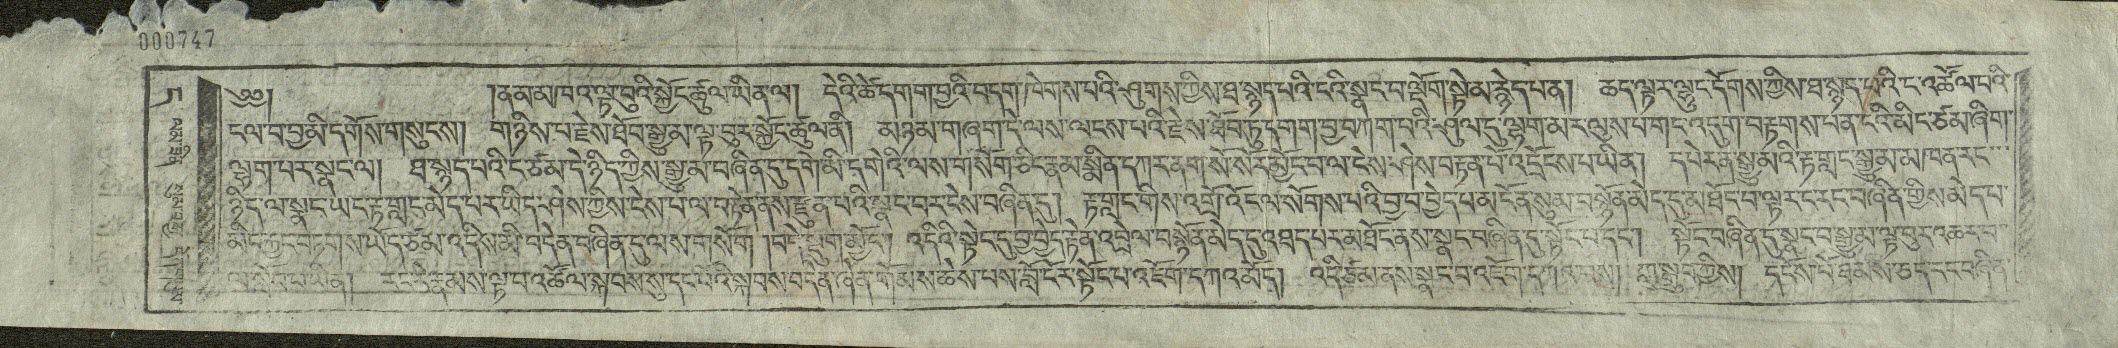༄༅། །ནམ་མཁའ་ལྟ་བུའི་སྐྱོང་ཚུལ་ཡིན་ལ། དེའི་ཚེ་དགག་བྱའི་བདག་ཁེགས་པའི་ཤུགས་ཀྱིས་ཐ་སྙད་པའི་ངའི་སྣང་བ་ལྡོག་སྟེ་མ་རྙེད་པ་ན། ཆད་ལྟར་ལྷུང་དོགས་ཀྱིས་ཐ་སྙད་པའི་ང་འཚོལ་བའི་
ངལ་བ་བྱ་མི་དགོས་གསུངས། གཉིས་པ་རྗེས་ཐོབ་སྒྱུ་མ་ལྟ་བུར་སྐྱོང་ཚུལ་ནི། མཉམ་གཞག་དེ་ལས་ལངས་པའི་རྗེས་ཐོབ་ཏུ་དགག་བྱ་བཀག་པའི་ཤུལ་དུ་ལྷག་མར་ལུས་པ་གང་འདུག་བརྟགས་པ་ན་ངའི་མིང་ཙམ་ཞིག་
ལྷག་པར་སྣང་ལ། ཐ་སྙད་པའི་ང་ཙམ་དེ་ཉིད་ཀྱིས་སྒྱུ་མ་བཞིན་དུ་དགེ་མི་དགེའི་ལས་གསོག་ཅིང་རྣམ་སྨིན་དཀར་ནག་སོ་སོར་མྱོང་བ་ལ་ངེས་ཤེས་བརྟན་པོ་འདྲོངས་པ་ཡིན། དཔེར་ན་སྒྱུ་མའི་རྟ་གླང་སྒྱུ་མ་མཁན་རང་
ཉིད་ལ་སྣང་ཡང་རྟ་གླང་མེད་པར་ཡིད་ཤེས་ཀྱིས་ངེས་པ་ལ་བརྟེན་ནས་རྫུན་པའི་སྣང་བར་ངེས་བཞིན་དུ། རྟ་གླང་གིས་འགྲོ་འོང་ལ་སོགས་པའི་བྱ་བ་བྱེད་པ་མངོན་སུམ་བསྙོན་མེད་དུ་མཐོང་བ་ལྟར་ང་རང་བཞིན་གྱིས་མེད་པ་
མིང་རྐྱང་བཏགས་ཡོད་ཙམ་འདིས་མི་བདེན་བཞིན་དུ་ལས་གསོག། །བདེ་སྡུག་མྱོང་། འདིའི་སྟེང་དུ་བྱ་བྱེད་རྟེན་འབྲེལ་བསྙོན་མེད་དུ་འཐད་པར་མཐོང་ནས་སྣང་བཞིན་དུ་སྟོང་པ་དང་། སྟོང་བཞིན་དུ་སྣང་བ་སྒྱུ་མ་ལྟ་བུར་འཆར་བ་
ལ་སློབ་པ་ཡིན། རང་རེ་རྣམས་ལྟ་བ་འཚོལ་སྐབས་སུ་དང་པོའི་སྐབས་བདེན་ཞེན་གོམས་ཆེས་པས་བློ་ངོར་སྟོང་པ་འཇོག་དཀའ་མོད། འདི་ཙམ་ནས་སྣང་བ་འཇོག་དཀའ་བས། ཀླུ་སྒྲུབ་ཀྱིས། དངོས་པོ་ཐམས་ཅད་རང་བཞིན་